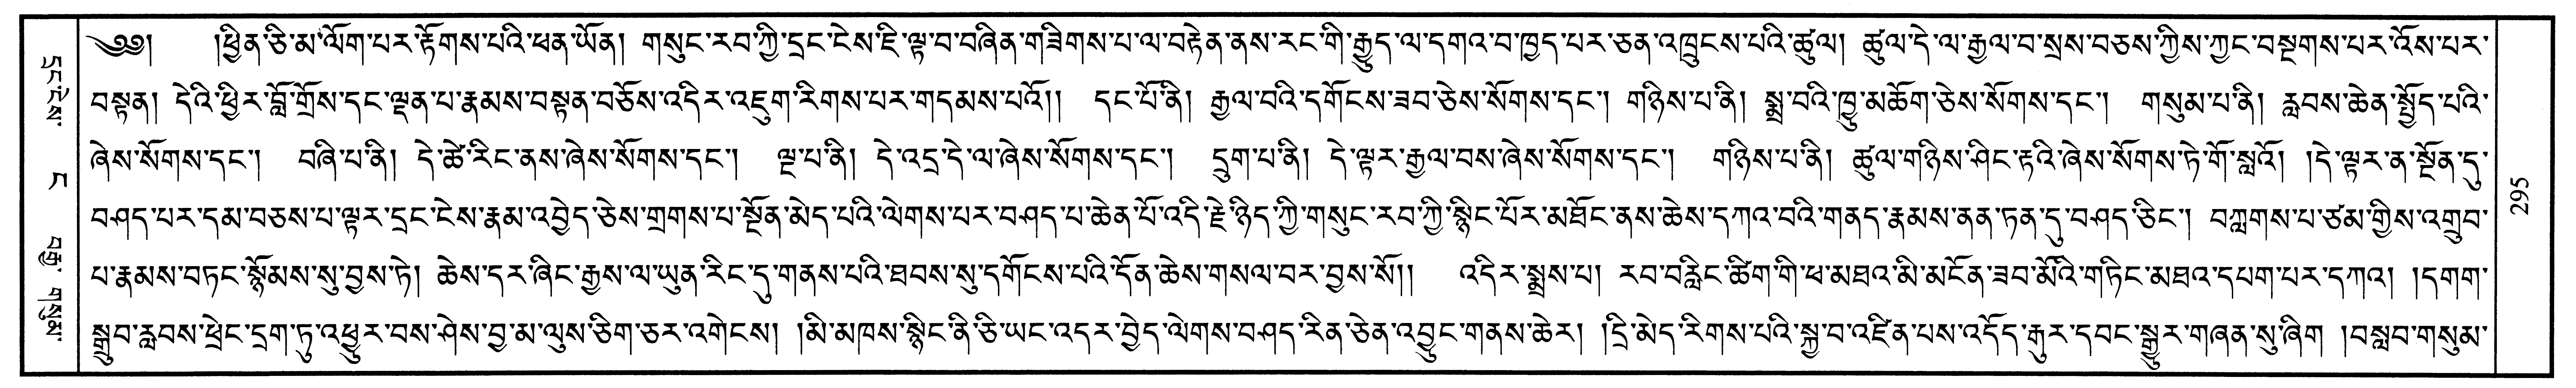༄༅། །ཕྱིན་ཅི་མ་ལོག་པར་རྟོགས་པའི་ཕན་ཡོན། གསུང་རབ་ཀྱི་དྲང་ངེས་ཇི་ལྟ་བ་བཞིན་གཟིགས་པ་ལ་བརྟེན་ནས་རང་གི་རྒྱུད་ལ་དགའ་བ་ཁྱད་པར་ཅན་འཁྲུངས་པའི་ཚུལ། ཚུལ་དེ་ལ་རྒྱལ་བ་སྲས་བཅས་ཀྱིས་ཀྱང་བསྔགས་པར་འོས་པར་
བསྟན། དེའི་ཕྱིར་བློ་གྲོས་དང་ལྡན་པ་རྣམས་བསྟན་བཅོས་འདིར་འཇུག་རིགས་པར་གདམས་པའོ།། དང་པོ་ནི། རྒྱལ་བའི་དགོངས་ཟབ་ཅེས་སོགས་དང་། གཉིས་པ་ནི། སྨྲ་བའི་ཁྱུ་མཆོག་ཅེས་སོགས་དང་། གསུམ་པ་ནི། རླབས་ཆེན་སྤྱོད་པའི་
ཞེས་སོགས་དང་། བཞི་པ་ནི། དེ་ཚེ་རིང་ནས་ཞེས་སོགས་དང་། ལྔ་པ་ནི། དེ་འདྲ་དེ་ལ་ཞེས་སོགས་དང་། དྲུག་པ་ནི། དེ་ལྟར་རྒྱལ་བས་ཞེས་སོགས་དང་། གཉིས་པ་ནི། ཚུལ་གཉིས་ཤིང་རྟའི་ཞེས་སོགས་ཏེ་གོ་སླའོ། །དེ་ལྟར་ན་སྔོན་དུ་
བཤད་པར་དམ་བཅས་པ་ལྟར་དྲང་ངེས་རྣམ་འབྱེད་ཅེས་གྲགས་པ་སྔོན་མེད་པའི་ལེགས་པར་བཤད་པ་ཆེན་པོ་འདི་རྗེ་ཉིད་ཀྱི་གསུང་རབ་ཀྱི་སྙིང་པོར་མཐོང་ནས་ཆེས་དཀའ་བའི་གནད་རྣམས་ནན་ཏན་དུ་བཤད་ཅིང་། བཀླགས་པ་ཙམ་གྱིས་འགྲུབ་
པ་རྣམས་བཏང་སྙོམས་སུ་བྱས་ཏེ། ཆེས་དར་ཞིང་རྒྱས་ལ་ཡུན་རིང་དུ་གནས་པའི་ཐབས་སུ་དགོངས་པའི་དོན་ཆེས་གསལ་བར་བྱས་སོ།། འདིར་སྨྲས་པ། རབ་བརླིང་ཚིག་གི་ཕ་མཐའ་མི་མངོན་ཟབ་མོའི་གཏིང་མཐའ་དཔག་པར་དཀའ། །དགག་
སྒྲུབ་རླབས་ཕྲེང་དྲག་ཏུ་འཕྱུར་བས་ཤེས་བྱ་མ་ལུས་ཅིག་ཅར་འགེངས། །མི་མཁས་སྙིང་ནི་ཅི་ཡང་འདར་བྱེད་ལེགས་བཤད་རིན་ཅེན་འབྱུང་གནས་ཆེར། །དྲི་མེད་རིགས་པའི་སྐྱ་བ་འཛིན་པས་འདོད་རྒུར་དབང་སྒྱུར་གཞན་སུ་ཞིག །བསླབ་གསུམ་